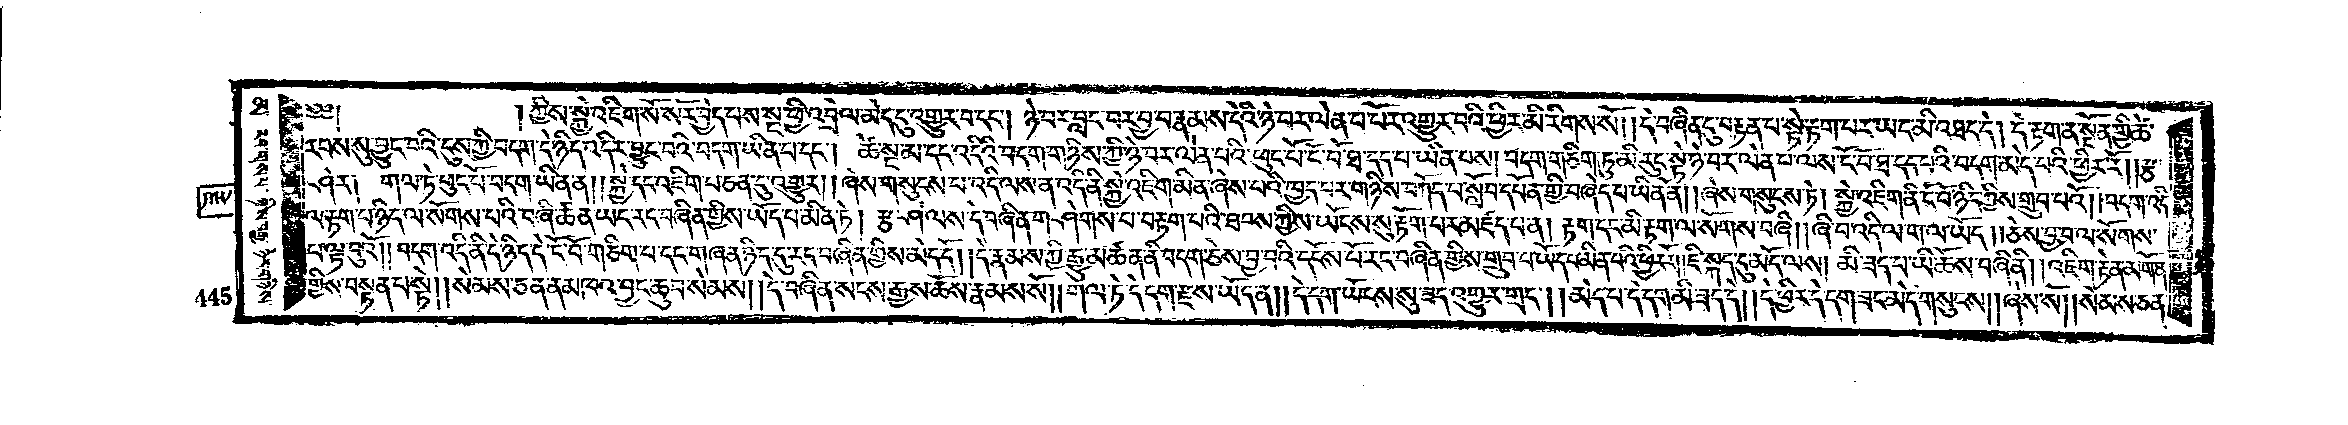༄༅། །ཀྱིས་སྐྱེ་འཇིག་སོ་སོར་བྱེད་པས་སྔ་ཕྱི་འབྲེལ་མེད་དུ་འགྱུར་བ་དང་། ཉེ་བར་བླང་བར་བྱ་བ་རྣམས་དེའི་ཉེ་བར་ལེན་པ་པོར་འགྱུར་བའི་ཕྱིར་མི་རིགས་སོ། །དེ་བཞིན་དུ་བརྟན་པ་སྟེ་རྟག་པར་ཡང་མི་འཐད་དེ། དེ་རྟག་ན་སྔོན་གྱི་ཚེ་
རབས་སུ་བྱུང་བའི་དུས་ཀྱི་བདག་དེ་ཉིད་འདིར་བྱུང་བའི་བདག་ཡིན་པ་དང་། ཚེ་སྔ་མ་དང་འདིའི་བདག་གཉིས་ཀྱི་ཉེ་བར་ལེན་པའི་ཕུང་པོ་ངོ་བོ་ཐ་དད་པ་ཡིན་པས། བདག་གཅིག་ཏུ་མི་རུང་སྟེ་ཉེ་བར་ལེན་པ་ལས་ངོ་བོ་ཐ་དད་པའི་བདག་མེད་པའི་ཕྱིར་རོ། །རྩ་
ཤེར། གལ་ཏེ་ཕུང་པོ་བདག་ཡིན་ན། །སྐྱེ་དང་འཇིག་པ་ཅན་དུ་འགྱུར། །ཞེས་གསུངས་པ་འདི་ལས་ན་འདི་ནི་སྐྱེ་འཇིག་མིན་ཞེས་པའི་ཁྱད་པར་གཉིས་བཀོད་པ་སློབ་དཔོན་གྱི་བཞེད་པ་ཡིན་ནོ། །ཞེས་གསུངས་ཏེ། སྐྱེ་འཇིག་ནི་ངོ་བོ་ཉིད་ཀྱིས་གྲུབ་པའོ། །བདག་འདི་
ལ་རྟག་པ་ཉིད་ལ་སོགས་པའི་བཞི་ཚན་ཡང་རང་བཞིན་གྱིས་ཡོད་པ་མིན་ཏེ། རྩ་ཤེ་ལས་དེ་བཞིན་གཤེགས་པ་བརྟག་པའི་ཐབས་ཀྱིས་ཡོངས་སུ་རྟོག་པར་མཛད་པ་ན། རྟག་དང་མི་རྟག་ལ་སོགས་བཞི། །ཞི་བ་འདི་ལ་ག་ལ་ཡོད། །ཅེས་བྱ་བ་ལ་སོགས་
པ་ལྟ་བུའོ། །བདག་འདི་ནི་དེ་ཉིད་དེ་ངོ་བོ་གཅིག་པ་དང་གཞན་ཉིད་དུ་རང་བཞིན་གྱིས་མེད་དོ། །དེ་རྣམས་ཀྱི་རྒྱུ་མཚན་ནི་བདག་ཅེས་བྱ་བའི་དངོས་པོ་རང་བཞིན་གྱིས་གྲུབ་པ་ཡོད་པ་མིན་པའི་ཕྱིར་རོ། །ཇི་སྐད་དུ་མདོ་ལས། མི་ཟད་པ་ཡི་ཆོས་བཞི་ནི། །འཇིག་རྟེན་མགོན་
གྱིས་བསྟན་པ་སྟེ། །སེམས་ཅན་ནམ་མཁའ་བྱང་ཆུབ་སེམས། །དེ་བཞིན་སངས་རྒྱས་ཆོས་རྣམས་སོ། །གལ་ཏེ་དེ་དག་རྫས་ཡོད་ན། །དེ་དག་ཡོངས་སུ་ཟད་འགྱུར་གྲང་། །མེད་པ་དེ་དག་མི་ཟད་དེ། །དེ་ཕྱིར་དེ་དག་ཟད་མེད་གསུངས། །ཞེས་སོ། །སེམས་ཅན་